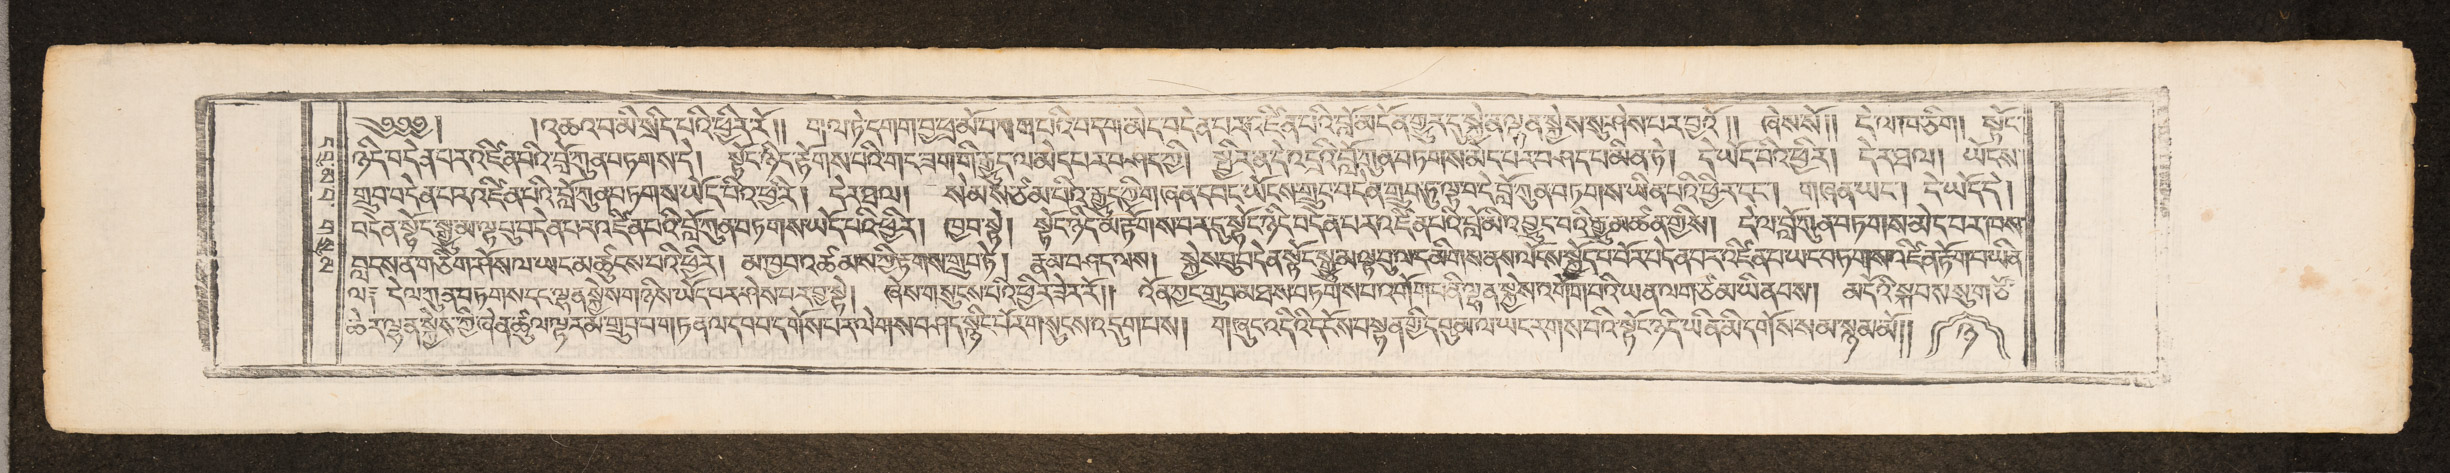༄༅༅། །འཆའ་བ་མི་སྲིད་པའི་ཕྱིར་རོ།། གལ་ཏེ་དགག་བྱ་ཕྲ་མོ་བཀག་པའི་བདག་མེད་བདེན་པར་འཛིན་པའི་བློ་མངོན་གྱུར་དུ་སྐྱེ་ན་ལྷན་སྐྱེས་སུ་ཤེས་པར་བྱའོ།། ཞེས་སོ།། དེ་ལ་ཁ་ཅིག། སྟོང་
ཉིད་བདེན་པར་འཛིན་པའི་བློ་ཀུན་བཏགས་དེ། སྟོང་ཉིད་རྟོགས་པའི་གང་ཟག་གི་རྒྱུད་ལ་མེད་པར་བཤད་ཀྱི། སྦྱིར་ན་དེ་འདྲའི་བློ་ཀུན་བཏགས་མེད་པར་བཤད་པ་མིན་ཏེ། དེ་ཡོད་པའི་ཕྱིར། དེར་ཐལ། ཡོངས་
གྲུབ་བདེན་པར་འཛིན་པའི་བློ་ཀུན་བཏགས་ཡོད་པའི་ཕྱིར། དེར་ཐལ། སེམས་ཙམ་པའི་རྒྱུ་ཀྱི་གཞན་དབང་ཡོངས་གྲུབ་བདེན་གྲུབ་ཏུ་ལྟ་བ་དེ་བློ་ཀུན་བཏགས་ཡིན་པའི་ཕྱིར་དང་། གཞན་ཡང་། དེ་ཡོད་དེ།
བདེན་སྟོང་རྒྱུ་མ་ལྟ་བུ་བདེན་པར་འཛིན་པའི་བློ་ཀུན་བཏགས་ཡོད་པའི་ཕྱིར། ཁྱབ་སྟེ། སྟོང་ཉིད་མ་རྟོགས་པར་དུ་སྟོང་ཉིད་བདེན་པར་འཛིན་པའི་བློ་མི་འབྱུང་བའི་རྒྱུ་མཚན་གྱིས། དེ་ལ་བློ་ཀུན་བཏགས་མེད་པར་ཁས་
བླངས་ན་གཅིག་ཤོས་ལ་ཡང་མཚུངས་པའི་ཕྱིར། མ་ཁྱབ་འཚམས་ཀྱི་རྟགས་གྲུབ་ཏེ། རྣམ་བཤད་ལས། སྐྱེས་བུ་བདེན་སྟོང་སྒྱུ་མ་ལྟ་བུ་ལ་དམིགས་ནས་ལོངས་སྤྱོད་པ་པོར་བདེན་པར་འཛིན་པ་ཡང་བཏགས་འཛིན་རྟོག་པ་ཡིན་
ལ༑ དེ་ལ་ཀུན་བཏགས་དང་ལྷན་སྐྱེས་གཉིས་ཡོད་པར་ཤེས་པར་བྱ་སྟེ། ཞེས་གསུགནས་པའི་ཕྱིར་ཟེར་རོ།། འོན་ཀྱང་གྲུབ་མཐས་བཏགས་པ་འགོག་པ་ནི་ལྷན་སྐྱེས་འགོག་པའི་ཡན་ལག་ཙམ་ཡིན་པས། མདོའི་སྐབས་སུ་གཙོ་
ཆེར་ལྷན་སྐྱེས་ཀྱི་ཞེན་ཚུལ་སྟར་མ་གྲུབ་པ་གཏན་ལ་དབབ་དགོས་པར་ལེགས་བཤད་སྙིང་པོར་གསུངས་འདུག་པས། གཞུང་འདིའི་དངོས་བསྟན་གྱི་དབུ་མ་ཡང་རགས་པའི་སྟོང་ཉིད་ཡིན་མི་དགོས་སམ་སྙམ་མོ།། ༼༽ཉ༼༽